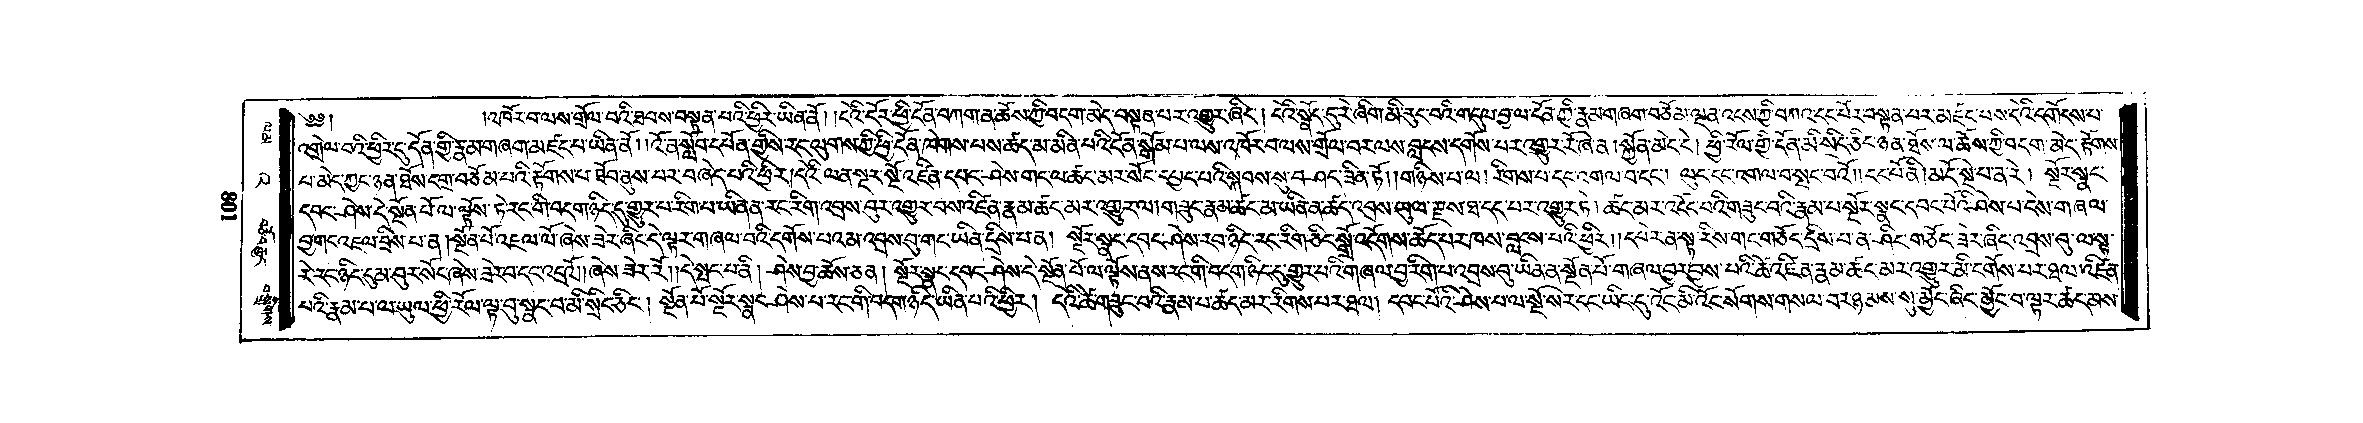༄༅། །འཁོར་བ་ལས་གྲོལ་བའི་ཐབས་བསྟན་པའི་ཕྱིར་ཡིན་ནོ། །དེའི་ངོར་ཕྱི་དོན་བཀག་ན་ཆོས་ཀྱི་བདག་མེད་བསྟན་པར་འགྱུར་ཞིང་། དེའི་སྣོད་དུ་རེ་ཞིག་མི་རུང་བའི་གདུལ་བྱ་ལ་དོན་གྱི་རྣམ་གཞག་བཅོམ་ལྡན་འདས་ཀྱི་བཀའ་དང་པོར་བསྟན་པར་མཛད་པས་དེའི་དགོངས་པ་
འགྲེལ་བའི་ཕྱིར་དུ་དོན་གྱི་རྣམ་གཞག་མཛད་པ་ཡིན་ནོ། །འོ་ན་སློབ་དཔོན་གྱིས་རང་ལུགས་ཀྱི་ཕྱི་དོན་ཁེགས་པས་ཚད་མ་མིན་པའི་དོན་སྒོམ་པ་ལས་འཁོར་བ་ལས་གྲོལ་བར་ལས་བླངས་དགོས་པར་འགྱུར་རོ་ཞེ་ན། སྐྱོན་མེད་དེ། ཕྱི་རོལ་གྱི་དོན་མི་སྲིད་ཅིང་ཉན་ཐོས་ལ་ཆོས་ཀྱི་བདག་མེད་རྟོགས་
པ་མེད་ཀྱང་ཉན་ཐོས་དགྲ་བཅོམ་པའི་རྟོགས་པ་ཐོབ་ནུས་པར་བཞེད་པའི་ཕྱིར། དེའི་ལན་སྔར་སྔོ་འཛིན་དབང་ཤེས་གང་ལ་ཚང་མར་སོང་དཔྱད་པའི་སྐབས་སུ་བཤད་ཟིན་ཏོ། །གཉིས་པ་ལ། རིགས་པ་དང་འགལ་བ་དང་། ལུང་དང་འགལ་བ་སྤང་བའོ། །དང་པོ་ནི། མདོ་སྡེ་པ་ན་རེ། སྔོར་སྣང་
དབང་ཤེས་དེ་སྔོན་པོ་ལ་ལྟོས་ཏེ་རང་གི་བདག་ཉིད་དུ་གྱུར་པ་རིག་པ་ཡིན་ན་རང་རིག་འབྲས་བུར་འགྱུར་བས་འཛིན་རྣམ་ཚང་མར་འགྱུར་ལ། གཟུང་རྣམ་ཚང་མ་ཡིན་ན་ཚད་འབྲས་ཡུལ་རྫས་ཐ་དད་པར་འགྱུར་ཏེ། ཚད་མར་འདོད་པའི་གཟུང་བའི་རྣམ་པ་སྔོར་སྣང་དབང་པོའི་ཤེས་པ་དེས་གཞལ་
བྱ་གང་འཇལ་བྲིས་པ་ན། སྔོན་པོ་འཇལ་ལོ་ཞེས་ཟེར་ཞིང་དེ་ལྟར་གཞལ་བའི་དགོས་པའམ་འབྲས་བུ་གང་ཡིན་དྲིས་པ་ན། སྔོར་སྣང་དབང་ཤེས་རབ་ཉིད་རང་རིག་ཅིང་སྒྲོ་འདོགས་ཆོད་པར་ཁས་བླངས་པའི་ཕྱིར། །དཔེར་ན་སྟ་རིས་གང་གཅོད་དྲིས་པ་ན་ཤིང་གཅོད་ཟེར་ཞིང་འབྲས་བུ་ལ་སྟ་
རེ་རང་ཉིད་དུམ་བུར་སོང་ཞེས་ཟེར་བ་དང་འདྲའོ། །ཞེས་ཟེར་རོ། །དེ་སྤང་པ་ནི། ཤེས་བྱ་ཆོས་ཅན། སྔོར་སྣང་དབང་ཤེས་དེ་སྔོན་པོ་ལ་ལྟོས་ནས་རང་གི་བདག་ཉིད་དུ་གྱུར་པའི་གཞལ་བྱ་རིག་པ་འབྲས་བུ་ཡིན་ན་སྔོན་པོ་གཞལ་བྱར་བྱས་པའི་ཚེ་འཛིན་རྣམ་ཚད་མར་འགྱུར་མི་དགོས་པར་ཐལ་འཛིན་
པའི་རྣམ་པ་ལ་ཡུལ་ཕྱི་རོལ་ལྟ་བུ་སྣང་བ་མི་སྲིད་ཅིང་། སྔོན་པོ་སྔོར་སྣང་ཤེས་པ་རང་གི་བདག་ཉིད་ཡིན་པའི་ཕྱིར། དེའི་ཚེ་གཟུང་བའི་རྣམ་པ་ཚད་མར་རིགས་པར་ཐལ། དབང་པོའི་ཤེས་པ་ལ་སྔོ་སེར་དང་ཡིད་དུ་འོང་མི་འོང་སོགས་གསལ་བར་ཉམས་སུ་མྱོང་ཞིང་མྱོང་བ་ལྟར་ཚད་མས་